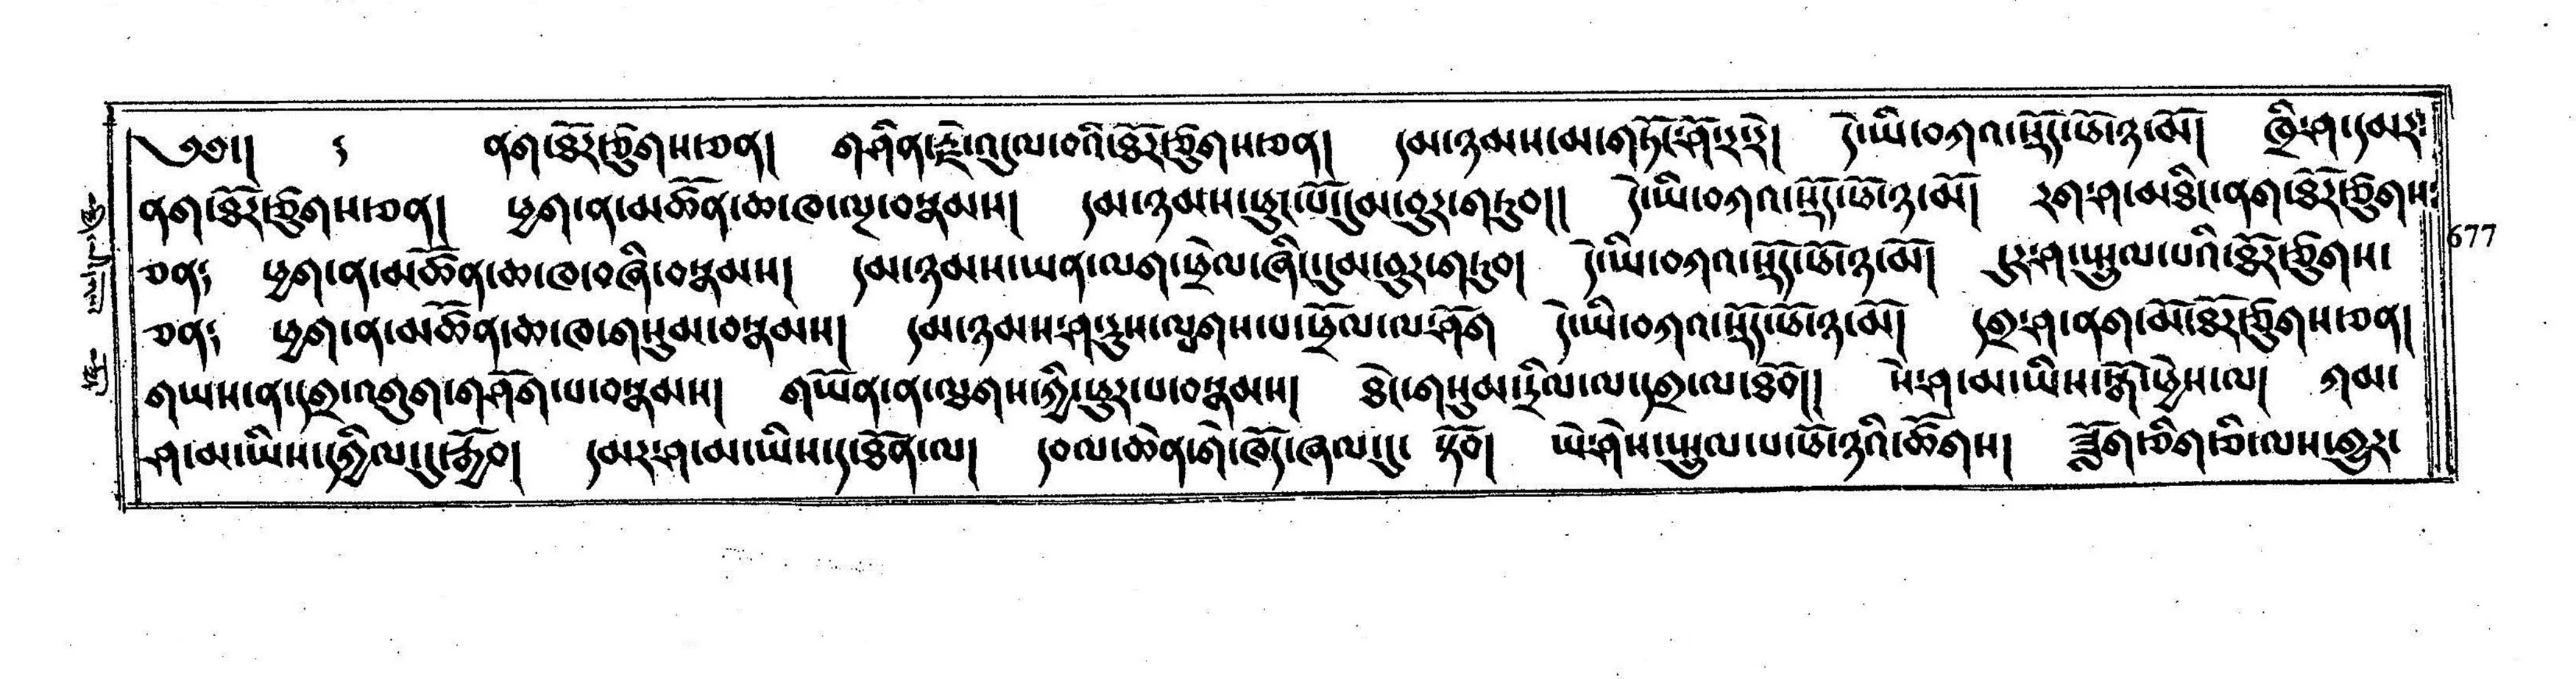ནག་ཐོར་ཙུགས་ཅན། གཤིན་རྗེ་འདུལ་བའི་ཐོར་ཙུགས་ཅན། དམ་ཉམས་མ་གཏོང་ཤོ་ར་རེ། དེ་ཡི་བཀའ་སྡོད་ཕོ་ཉ་མོ། ཁྲི་ཤ་དམར་
ནག་ཐོར་ཙུགས་ཅན། ཕྱག་ན་མཚོན་ཆ་ཁ་ལྔ་བསྣམས། དམ་ཉམས་ཕུང་པོ་དུམ་བུར་གཏུབ།། དེ་ཡི་བཀའ་སྡོད་ཕོ་ཉ་མོ། རག་ཤ་མཐིང་ནག་ཐོར་ཙུགས་
ཅན། ཕྱག་ན་མཚོན་ཆ་ཁ་བཞི་བསྣམས། དམ་ཉམས་ཡན་ལག་ཕྲེལ་ཞིང་དུམ་བུར་གཏུབ། དེ་ཡི་བཀའ་སྡོད་ཕོ་ཉ་མོ། དུར་ཤ་སྤྲུལ་པའི་ཐོར་ཙུགས་
ཅན། ཕྱག་ན་མཚོན་ཆ་ཁ་གསུམ་བསྣམས། དམ་ཉམས་ཤ་རུས་ལྤགས་པ་ཕྲོལ་ལ་ཤོག དེ་ཡི་བཀའ་སྡོད་ཕོ་ཉ་མོ། དགྲ་ཤ་ནག་མོ་ཐོར་ཙུགས་ཅན། 
གཡས་ན་དགྲ་འགུག་གཤོག་པ་བསྣམས། གཡོན་ན་ལྕགས་ཀྱི་ཕུར་པ་བསྣམས། ཐེང་གསུམ་དྲིལ་ལ་དགྲ་ལ་ཐོབ།། སེ་ཤ་མ་ཡིས་སྒོ་ཕྱེས་ལ། ཀམ་
ཤ་མ་ཡིས་དཀྱིལ་དུ་རྒྱོབ། དམར་ཤ་མ་ཡིས་ད་ཐོན་ལ། དབལ་ཆེན་གེ་ཁོད་ཞལ་དུ་སྟོབ། ཡེ་ཤེས་སྤྲུལ་པ་ཕོ་ཉའི་ཚོགས། ཟློག་ཅིག་ཅི་ལས་གྱུར་